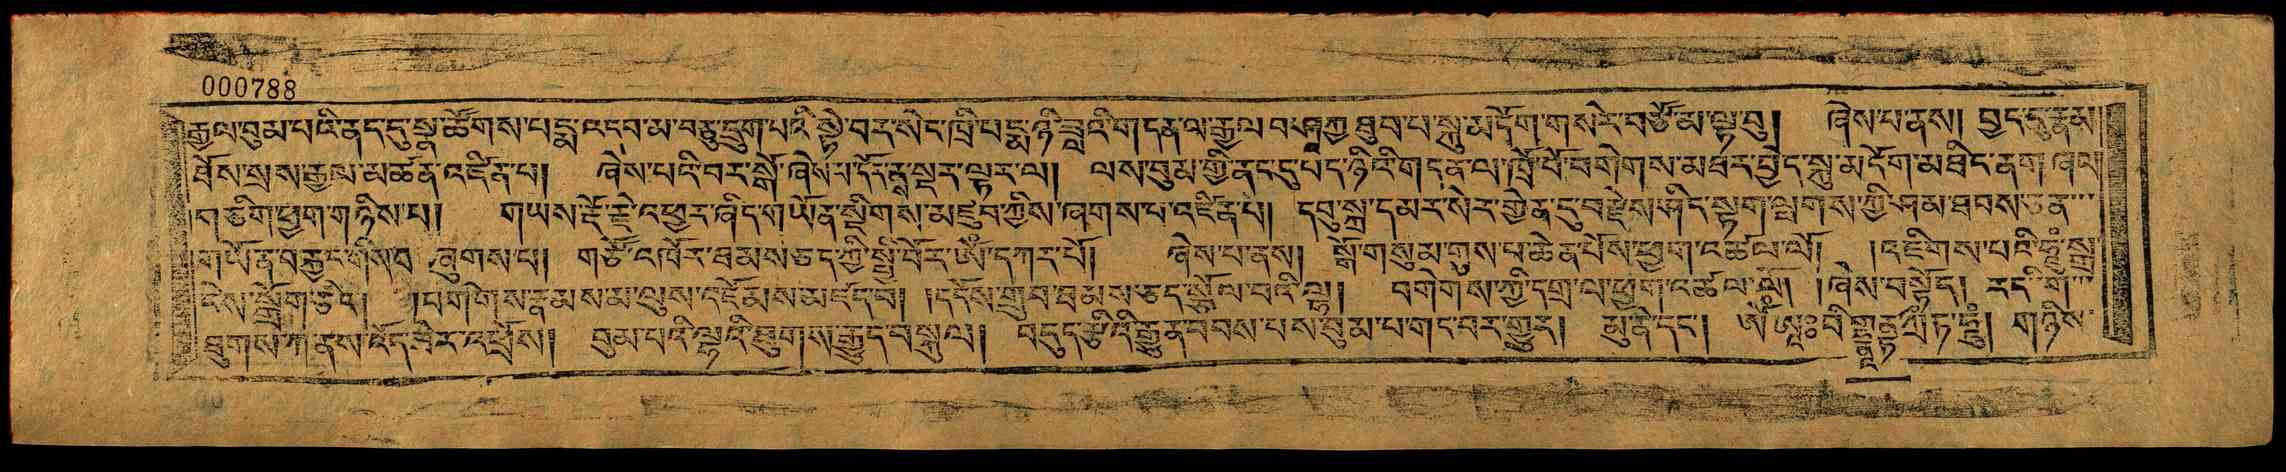རྒྱལ་བུམ་པའི་ནང་དུ་སྣ་ཚོགས་པདམ་འདབ་མ་བཅུ་དྲུག་པའི་ལྟེ་བར་སེང་ཁྲི་པདམ་ཉི་ཟླའི་གདན་ལ་རྒྱལ་བ་ཤཱཀྱ་ཐུབ་པ་སྐུ་མདོག་གསེར་བཙོ་མ་ལྟ་བུ། ཞེས་པ་ནས། བྱང་དུ་རྣམ་ཐོས་སྲས་རྒྱལ་མཚན་འཛིན་པ། ཞེས་པའི་བར་སྒོ་ཞེས་པ་དོར་ནས་སྔར་ལྟར་ལ། ལས་བུམ་གྱི་ནང་དུ་པད་ཉིའི་གདན་ལ་ཁྲོ་བོ་བགེགས་མཐར་བྱེད་སྐུ་མདོག་མཐིང་ནག་ཞལ་
གཅིག་ཕྱག་གཉིས་པ། གཡས་རྡོ་རྗེ་འཕྱར་ཞིང་གཡོན་སྡིགས་མཛུབ་ཀྱིས་ཞགས་པ་འཛིན་པ། དབུ་སྐྲ་དམར་སེར་གྱེན་དུ་བརྫེས་ཤིང་སྟག་ལྤགས་ཀྱི་ཤམ་ཐབས་ཅན་
གཡོན་བརྐྱང་གིས་བཞུགས་པ། གཙོ་འཁོར་ཐམས་ཅད་ཀྱི་སྤྱི་བོར་ཨོཾ་དཀར་པོ། ཞེས་པ་ནས། སྒོ་གསུམ་གུས་པ་ཆེན་པོས་ཕྱག་འཚལ་ལོ། །འཇིགས་པའི་ཧཱུཾ་སྒྲ་
ངེས་སྒྲོག་ཅིང་། །བགེགས་རྣམས་མ་ལུས་འཇོམས་མཛད་པ། །དངོས་གྲུབ་ཐམས་ཅད་སྩོལ་བའི་ལྷ། །བགེགས་ཀྱི་དགྲ་ལ་ཕྱག་འཚལ་ལོ། །ཞེས་བསྟོད། རང་གི་
ཐུགས་ཀ་ནས་འོད་ཟེར་འཕྲོས། བུམ་པའི་ལྷའི་ཐུགས་རྒྱུད་བསྐུལ། བདུད་རྩིའི་རྒྱུན་བབས་པས་བུམ་པ་གང་བར་གྱུར། མུ་ནེ་དང་། ཨོཾ་ཨཱཿ བི་གྷྣྲནྟ་ཀྲྀ་ཏ་ཧཱུཾ། གཉིས་